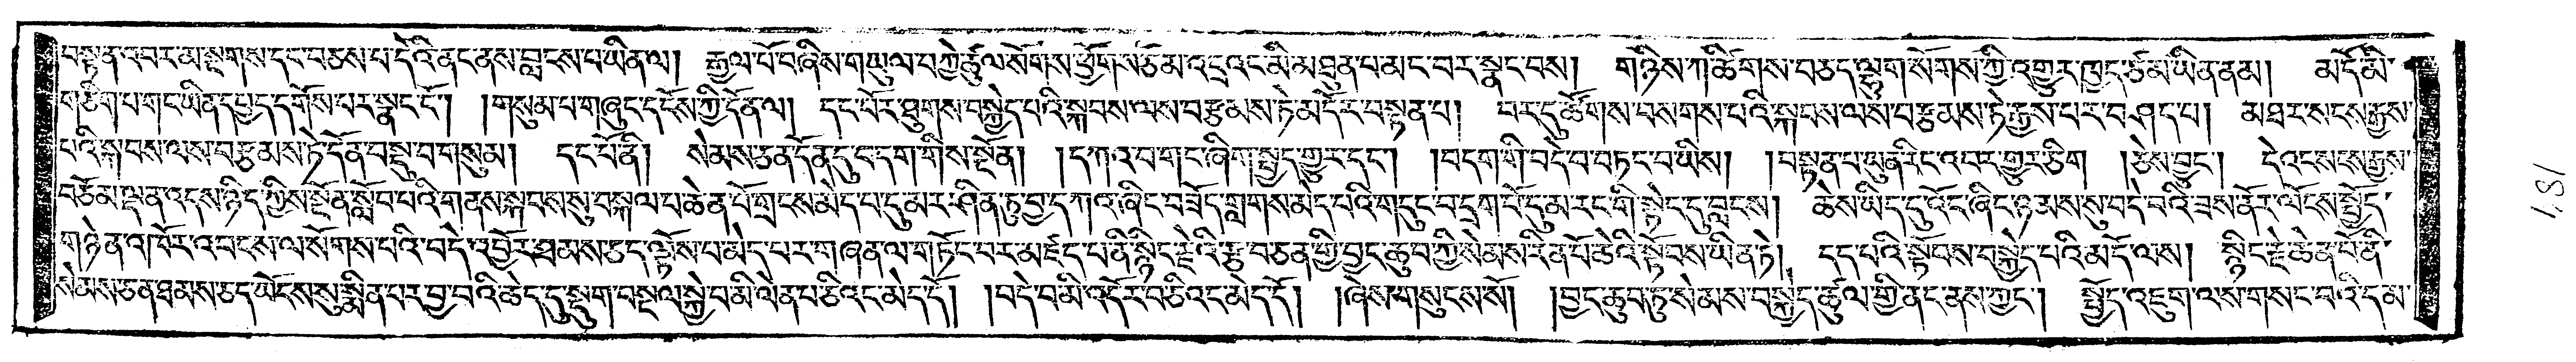བསྟན་འབར་མ་སྔགས་དང་བཅས་པ་དེའི་ནང་ནས་བླངས་པ་ཡིན་ལ། རྒྱལ་པོ་བཞིས་གཡུལ་བཀྱེ་ཚུལ་སོགས་ཕྱོགས་ཙམ་འདྲའང་མི་མཐུན་པ་མང་བར་སྣང་བས། གཉིས་ཀ་ཚིགས་བཅད་ལྷུག་སོགས་ཀྱི་འགྱུར་ཁྱད་ཙམ་ཡིན་ནམ། མདོ་མི་
གཅིག་པ་གང་ཡིན་དཔྱད་དགོས་པར་སྣང་ངོ། །གསུམ་པ་གཞུང་དངོས་ཀྱི་དོན་ལ། དང་པོར་ཐུགས་བསྐྱེད་པའི་སྐབས་ལས་བརྩམས་ཏེ་མདོར་བསྟན་པ། བར་དུ་ཚོགས་བསགས་པའི་སྐབས་ལས་བརྩམས་ཏེ་རྒྱས་པར་བཤད་པ། མཐར་སངས་རྒྱས་
པའི་སྐབས་ལས་བརྩམ་ཏེ་དོན་བསྡུ་བ་གསུམ། དང་པོ་ནི། སེམས་ཅན་དོན་དུ་བདག་གིས་སྔོན། །དཀའ་བ་གང་ཞིག་སྤྱད་གྱུར་དང་། །བདག་གི་བདེ་བ་བཏང་བ་ཡིས། །བསྟན་པ་ཡུན་རིང་འབར་གྱུར་ཅིག །ཅེས་བྱུང་། དེའང་སངས་རྒྱས་
བཅོམ་ལྡན་འདས་ཉིད་ཀྱིས་སྔོན་སློབ་པའི་གནས་སྐབས་སུ་བསྐལ་པ་ཆེན་པོ་གྲངས་མེད་པ་དུ་མར་ཤིན་ཏུ་བྱ་དཀའ་ཞིང་བཟོད་གླགས་མེད་པའི་གདུང་པ་དྲག་པོ་དུ་མ་རང་གི་སྟེང་དུ་བླངས། ཆེས་ཡིད་དུ་འོང་ཞིང་ཉམས་སུ་བདེ་བའི་ཟས་ནོར་ལོངས་སྤྱོད་
གཉེན་འཁོར་འབངས་ལ་སོགས་པའི་བདེ་འབྱོར་ཐམས་ཅད་ལྟོས་པ་མེད་པར་གཞན་ལ་གཏོང་བར་མཛད་པ་ནི་སྙིང་རྗེའི་རྩ་བ་ཅན་གྱི་བྱང་ཆུབ་ཀྱི་སེམས་རིན་པོ་ཆེའི་སྟོབས་ཡིན་ཏེ། དད་པའི་སྟོབས་བསྐྱེད་པའི་མདོ་ལས། སྙིང་རྗེ་ཆེན་པོ་ནི་
སེམས་ཅན་ཐམས་ཅད་ཡོངས་སུ་སྨིན་པར་བྱ་བའི་ཆེད་དུ་སྡུག་བསྔལ་སྐྱེ་བ་མི་ལེན་པ་ཅིའང་མེད་དོ། །བདེ་བ་མི་འདོར་བཅིའང་མེད་དོ། །ཞེས་གསུངས་སོ། །བྱང་ཆུབ་ཏུ་སེམས་བསྐྱེད་ཚུལ་གྱི་ནང་ནས་ཀྱང་། སྤྱོད་འཇུག་ལས་གསང་བའི་དམ་